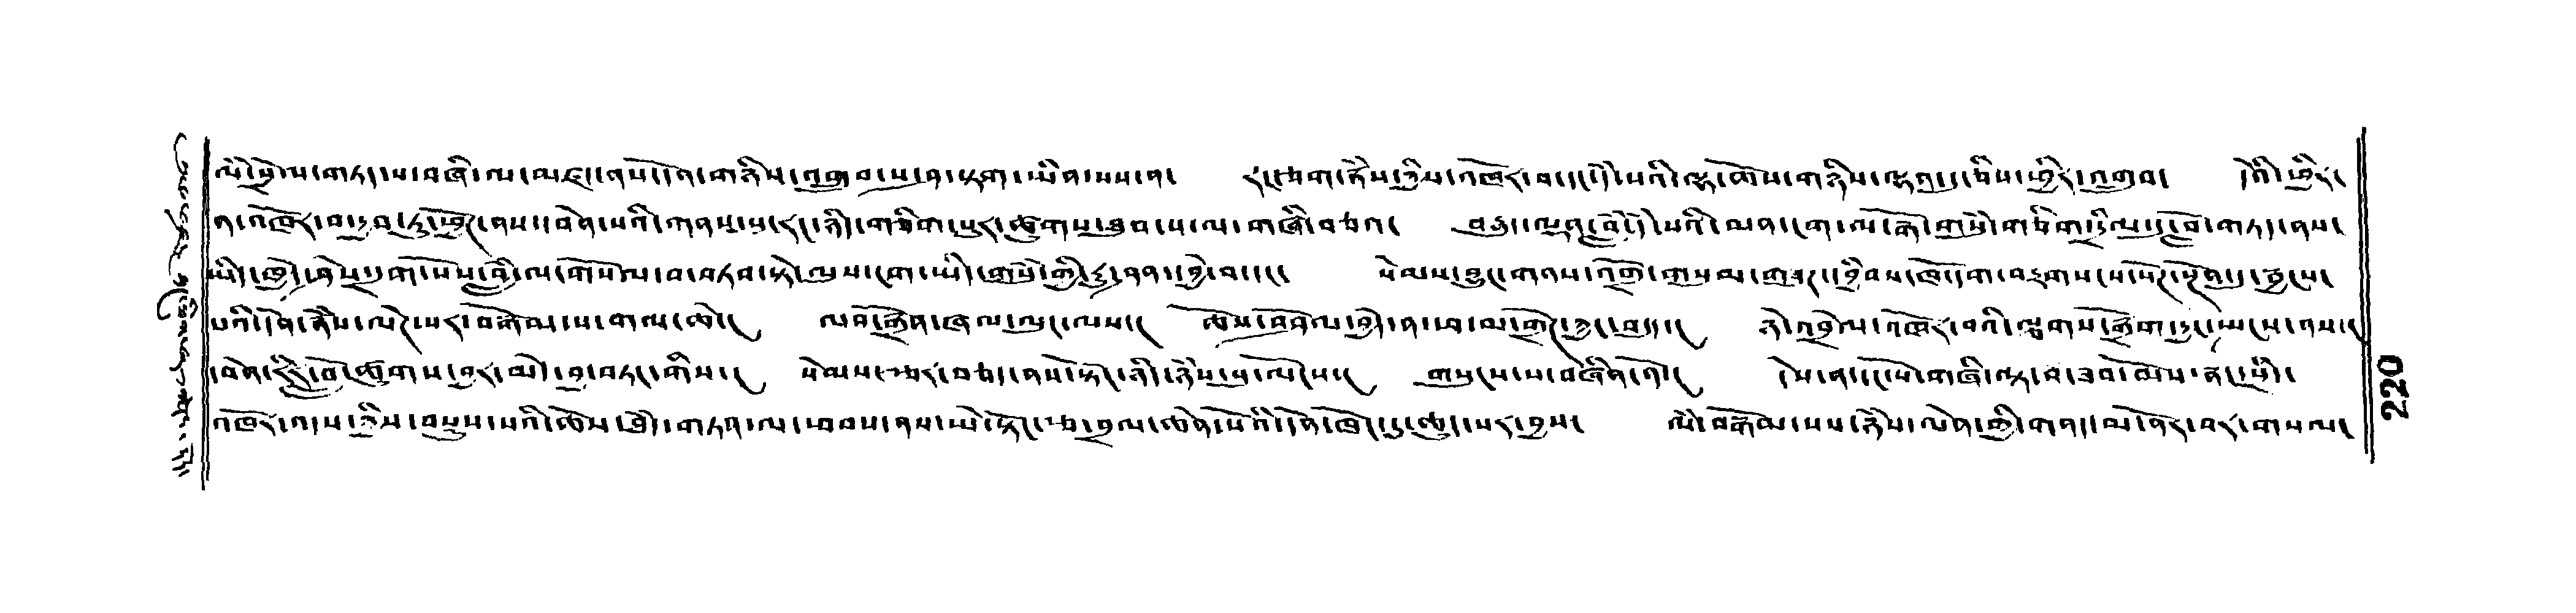ལམ་སྲོལ་གཏད་པ་བཞི་ལ་མཛད་ནས་དོན་གཉིས་འགྲུབ་པ་ཤ་སྟག་ཡིན་པས་ན།རང་ཅག་རྣམས་ཀྱིས་འཁོར་བ་དང་དམ་པའི་ལྷ་ཆོས་གཉིས་ལྷན་དུ་ཅིས་ཕྱིར་འགྲུབ། དེའི་ཕྱིར་
ན་འཁོར་བ་རྒྱབ་ཏུ་ཕྱོགས་ནས་དབེན་པའི་གནས་སུ་རང་ཉིད་གཅིག་པུར་ཚུགས་ཐུབ་པ་ལ་གཞི་བཅའ། བརྒྱུད་ལྡན་བླ་མ་དམ་པའི་མན་ངག་ལ་སྒོ་གསུམ་གཅིག་དྲིལ་དུ་བློ་གཏད་ནས་
ཡིད་ཁྱེད་ཤེས་དྲག་པོས་བླ་མ་ལ་གསོལ་བ་བཏབ་སྟེ་ལུས་ངག་ཡིད་གསུམ་གྱི་རུ་ཤན་དབྱེ་བ་དང་། སེམས་བྱུང་གནས་འགྲོ་གསུམ། གཟུགས་དབྱིབས་ཁ་དོག་བརྟག་པ་སོགས་སྔོན་དུ་སྦྱངས་
པའི་དོན་རྣམས་ལེགས་པར་བསྒོམ་པ་གལ་ཆེ། ལབ་སྒྲོན་ཞལ་ལུང་ལས། ཆོས་བཤོལ་བྱེད་ན་ཕ་མ་གྲོགས་ཀྱང་བདུད། །ཉེ་འབྲེལ་འཁོར་བའི་ལྕགས་སྒྲོག་རྒྱང་སྤངས་ནས། །
དབེན་རིར་བློ་ཚུགས་བྱར་མེད་བྱ་བཏང་གིས། །སེམས་རྩད་བཅད་ནས་སྟོང་ཉིད་ཉམས་སུ་ལོངས། གསུངས་པ་བཞིན་ནོ། དེས་ན་དང་པོ་གཞི་ལྟ་བ་ཟབ་མོས་སྣང་སྲིད་
འཁོར་འདས་ཀྱིས་བསྡུས་པའི་ཆོས་ཐམས་ཅད་གཏན་ལ་ཕབས་ནས་ཡེ་སྟོང་རྩ་བྲལ་ཆེན་པོའི་དོན་ཁོང་དུ་ཆུད་པར་བྱས། ལམ་བསྒོམ་པས་ཉམས་ལེན་གྱི་གནད་མ་ནོར་བར་གསལ་